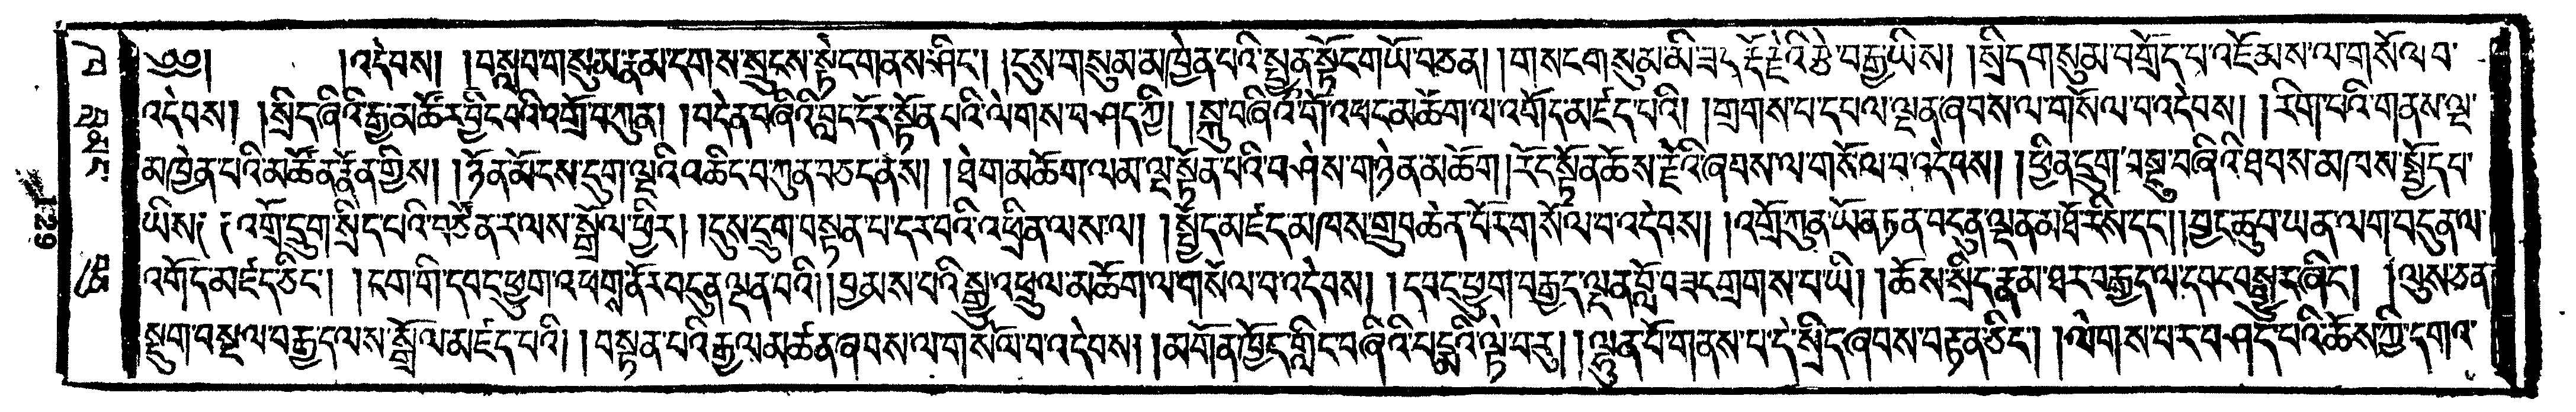༄༅། །འདེབས། །བསླབ་གསུམ་རྣམ་དགས་སྲུངས་སྟེང་གནས་ཤིང་། །དུས་གསུམ་མཁྱེན་པའི་སྤྱན་སྟོང་གཡོ་བ་ཅན། །གསང་གསུམ་མི་ཟད་རྡོ་རྗེའི་རྩེ་བརྒྱ་ཡིས། །སྲིད་གསུམ་བགྲོད་པ་འཇོམས་ལ་གསོལ་བ་
འདེབས། །སྲིད་ཞིའི་རྒྱ་མཚོར་བྱིང་བའི་འགྲོ་བ་ཀུན། །བདེན་བཞིའི་བླང་དོར་སྟོན་པའི་ལེགས་བཤད་ཀྱི། །སྐུ་བཞིའི་གོ་འཕང་མཆོག་ལ་འགོད་མཛད་པའི། །གྲགས་པ་དཔལ་ལྡན་ཞབས་ལ་གསོལ་བ་འདེབས། །རིག་པའི་གནས་ལྔ་
མཁྱེན་པའི་མཚོན་རྣོན་གྱིས། །ཉོན་མོངས་དུག་ལྔའི་འཆིང་བ་ཀུ་ན་བཅད་ནས། །ཐེག་མཆོག་ལམ་ལྔ་སྟོན་པའི་བཤེས་གཉེན་མཆོག །རོང་སྟོན་ཆོས་རྗེའི་ཞབས་ལ་གསོལ་བ་འདེབས། །ཕྱིན་དྲུག་བསྡུ་བཞིའི་ཐབས་མཁས་སྤྱོད་པ་
ཡིས༑ ༑འགྲོ་དྲུག་སྲིད་པའི་བཙོན་ར་ལས་སྒྲོལ་ཕྱིར། །དུས་དྲུག་བསྟན་པ་དར་བའི་འཕྲིན་ལས་ལ། །སྤྱོད་མཛད་མཁས་གྲུབ་ཆེན་པོར་གསོལ་བ་འདེབས། །འགྲོ་ཀུན་ཡོན་ཏན་བདུད་ལྡན་མཐོ་རིས་དང་། །བྱང་ཆུབ་ཡན་ལག་བདུན་ལ་
འགོད་མཛད་ཅིང་། །ངག་གི་དབང་ཕྱུག་འཕགས་ནོར་བདུན་ལྡན་བའི། །བྱམས་པའི་སྒྱུ་འཕྲུལ་མཆོག་ལ་གསོལ་བ་འདེབས། །དབང་ཕྱུག་བརྒྱད་ལྡན་བློ་བཟང་གྲགས་པ་ཡི། །ཆོས་སྲིད་རྣམ་ཐར་བརྒྱད་ལ་དབང་བསྒྱུར་ཞིང་། །ལུས་ཅན་
སྡུག་བསྔལ་བརྒྱད་ལས་སྒྲོལ་མཛད་པའི། །བསྟན་པའི་རྒྱལ་མཚན་ཞབས་ལ་གསོལ་བ་འདེབས། །མགོན་ཁྱོད་གླིང་བཞིའི་པདམའི་ལྟེ་བ་རུ། །ལྷུན་པོ་གནས་པ་དེ་སྲིད་ཞབས་བརྟན་ཅིང་། །ལེགས་པར་བཤད་པའི་ཆོས་ཀྱི་དགའ་